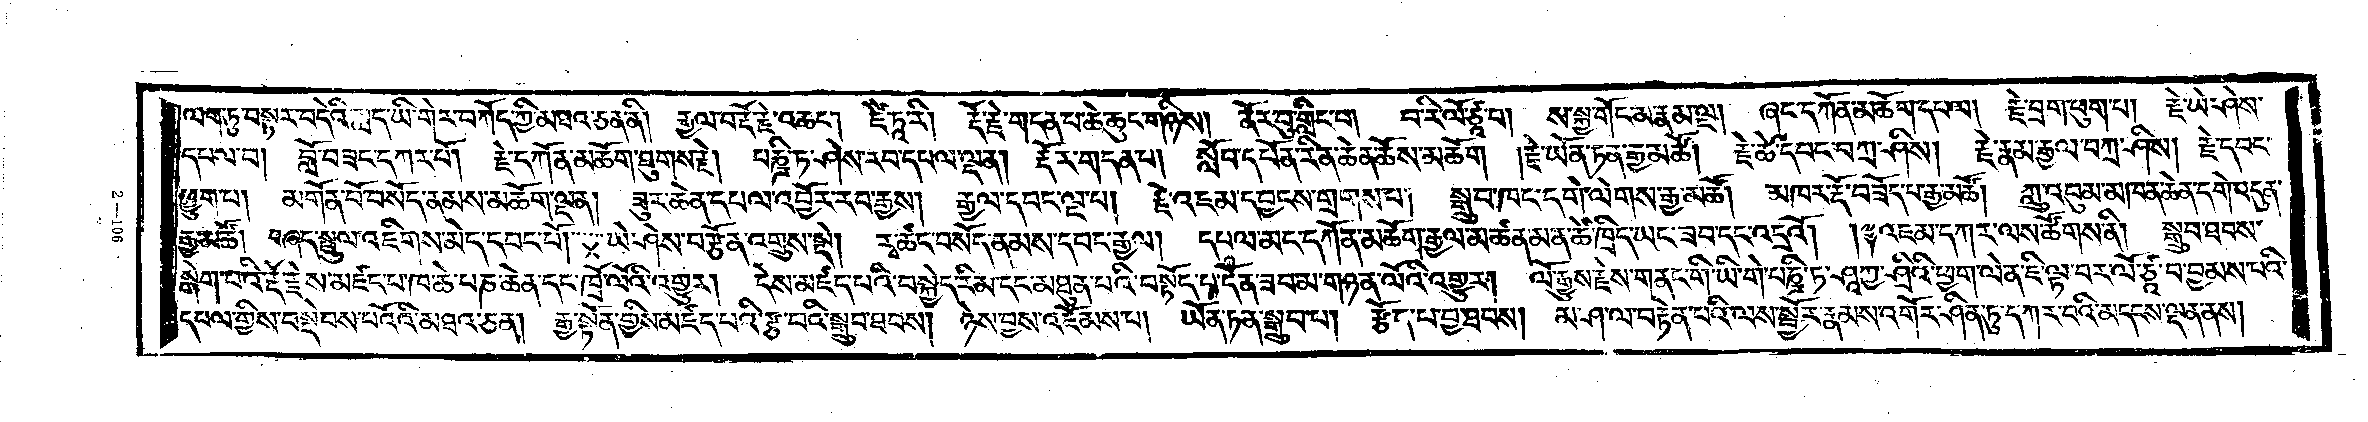ལག་ཏུ་བསྟར་བདེའི་སླད་ཡི་གེར་བཀོད་ཀྱི་མཐའ་ཅན་ནི། རྒྱལ་བ་རྡོ་རྗེ་འཆང་། ཛཻ་ཏཱ་རི། རྡོ་རྗེ་གདན་པ་ཆེ་ཆུང་གཉིས། ནོར་བུ་གླིང་བ། བ་རི་ལོ་ཙཱ་བ། ས་སྐྱ་གོང་མ་རྣམ་ལྔ། ཞང་དཀོན་མཆོག་དཔལ། རྗེ་བྲག་ཕུག་པ། རྗེ་ཡེ་ཤེས་
དཔལ་བ། བློ་བཟང་དཀར་པོ། རྗེ་དཀོན་མཆོག་ཐུགས་རྗེ། པཎྜི་ཏ་ཤེས་རབ་དཔལ་ལྡན། རྡོར་གདན་པ། སློབ་དཔོན་རིན་ཆེན་ཆོས་མཆོག །རྗེ་ཡོན་ཏན་རྒྱ་མཚོ། རྗེ་ཚེ་དབང་བཀྲ་ཤིས། རྗེ་རྣམ་རྒྱལ་བཀྲ་ཤིས། རྗེ་དབང་
ཕྱུག་པ། མགོན་པོ་བསོད་ནམས་མཆོག་ལྡན། ཟུར་ཆེན་དཔལ་འབྱོར་རབ་རྒྱས། རྒྱལ་དབང་ལྔ་པ། རྗེ་འཇམ་དབྱངས་གྲགས་པ། སྒྲུབ་ཁང་དགེ་ལེགས་རྒྱ་མཚོ། མཁར་རྡོ་བཟོད་པ་རྒྱ་མཚོ། ཀླུ་འབུམ་མཁན་ཆེན་དགེ་བདུན་
རྒྱ་མཚོ། བཞད་སྤྲུལ་འཇིགས་མེད་དབང་པོ། ཡེ་ཤེས་བརྩོན་འགྲུས་སྡེ། རྭ་ཚང་བསོད་ནམས་དབང་རྒྱལ། དཔལ་མང་དཀོན་མཆོག་རྒྱལ་མཚན་མན་ཚེ་ཁྲིད་ཡང་ཟབ་དང་འདྲའོ། །༈ འཇམ་དཀར་ལས་ཚོགས་ནི། སྒྲུབ་ཐབས་
སྒེག་པའི་རྡོ་རྗེས་མཛད་པ་ཁ་ཆེ་པཎ་ཆེན་དང་ཁྲོ་ལོའི་འགྱུར། དེས་མཛད་པའི་བསྐྱེད་རིམ་དང་མཐུན་པའི་བསྟོད་པ་དོན་ཟབ་མ་གཉན་ལོའི་འགྱུར། ལོ་རྒྱུས་རྗེས་གནང་གི་ཡི་གེ་པཎྜི་ཏ་ཤཱཀྱ་ཤྲིའི་ཕྱག་ལེན་ཇི་ལྟ་བར་ལོ་ཙཱ་བ་བྱམས་པའི་
དཔལ་གྱིས་བསྡེབས་པའོའི་མཐའ་ཅན། རྒྱ་སྟོན་གྱིས་མཛད་པའི་རྩ་བའི་སྒྲུབ་ཐབས། ཉེས་བྱས་འཇོམས་པ། ཡོན་ཏན་སྒྲུབ་པ། རྩོད་པ་བྱ་ཐབས། མ་ཤ་ལ་བརྟེན་པའི་ལས་སྦྱོར་རྣམས་འགོར་ཤིན་ཏུ་དཀར་བའི་མདངས་ལྡན་ནས།